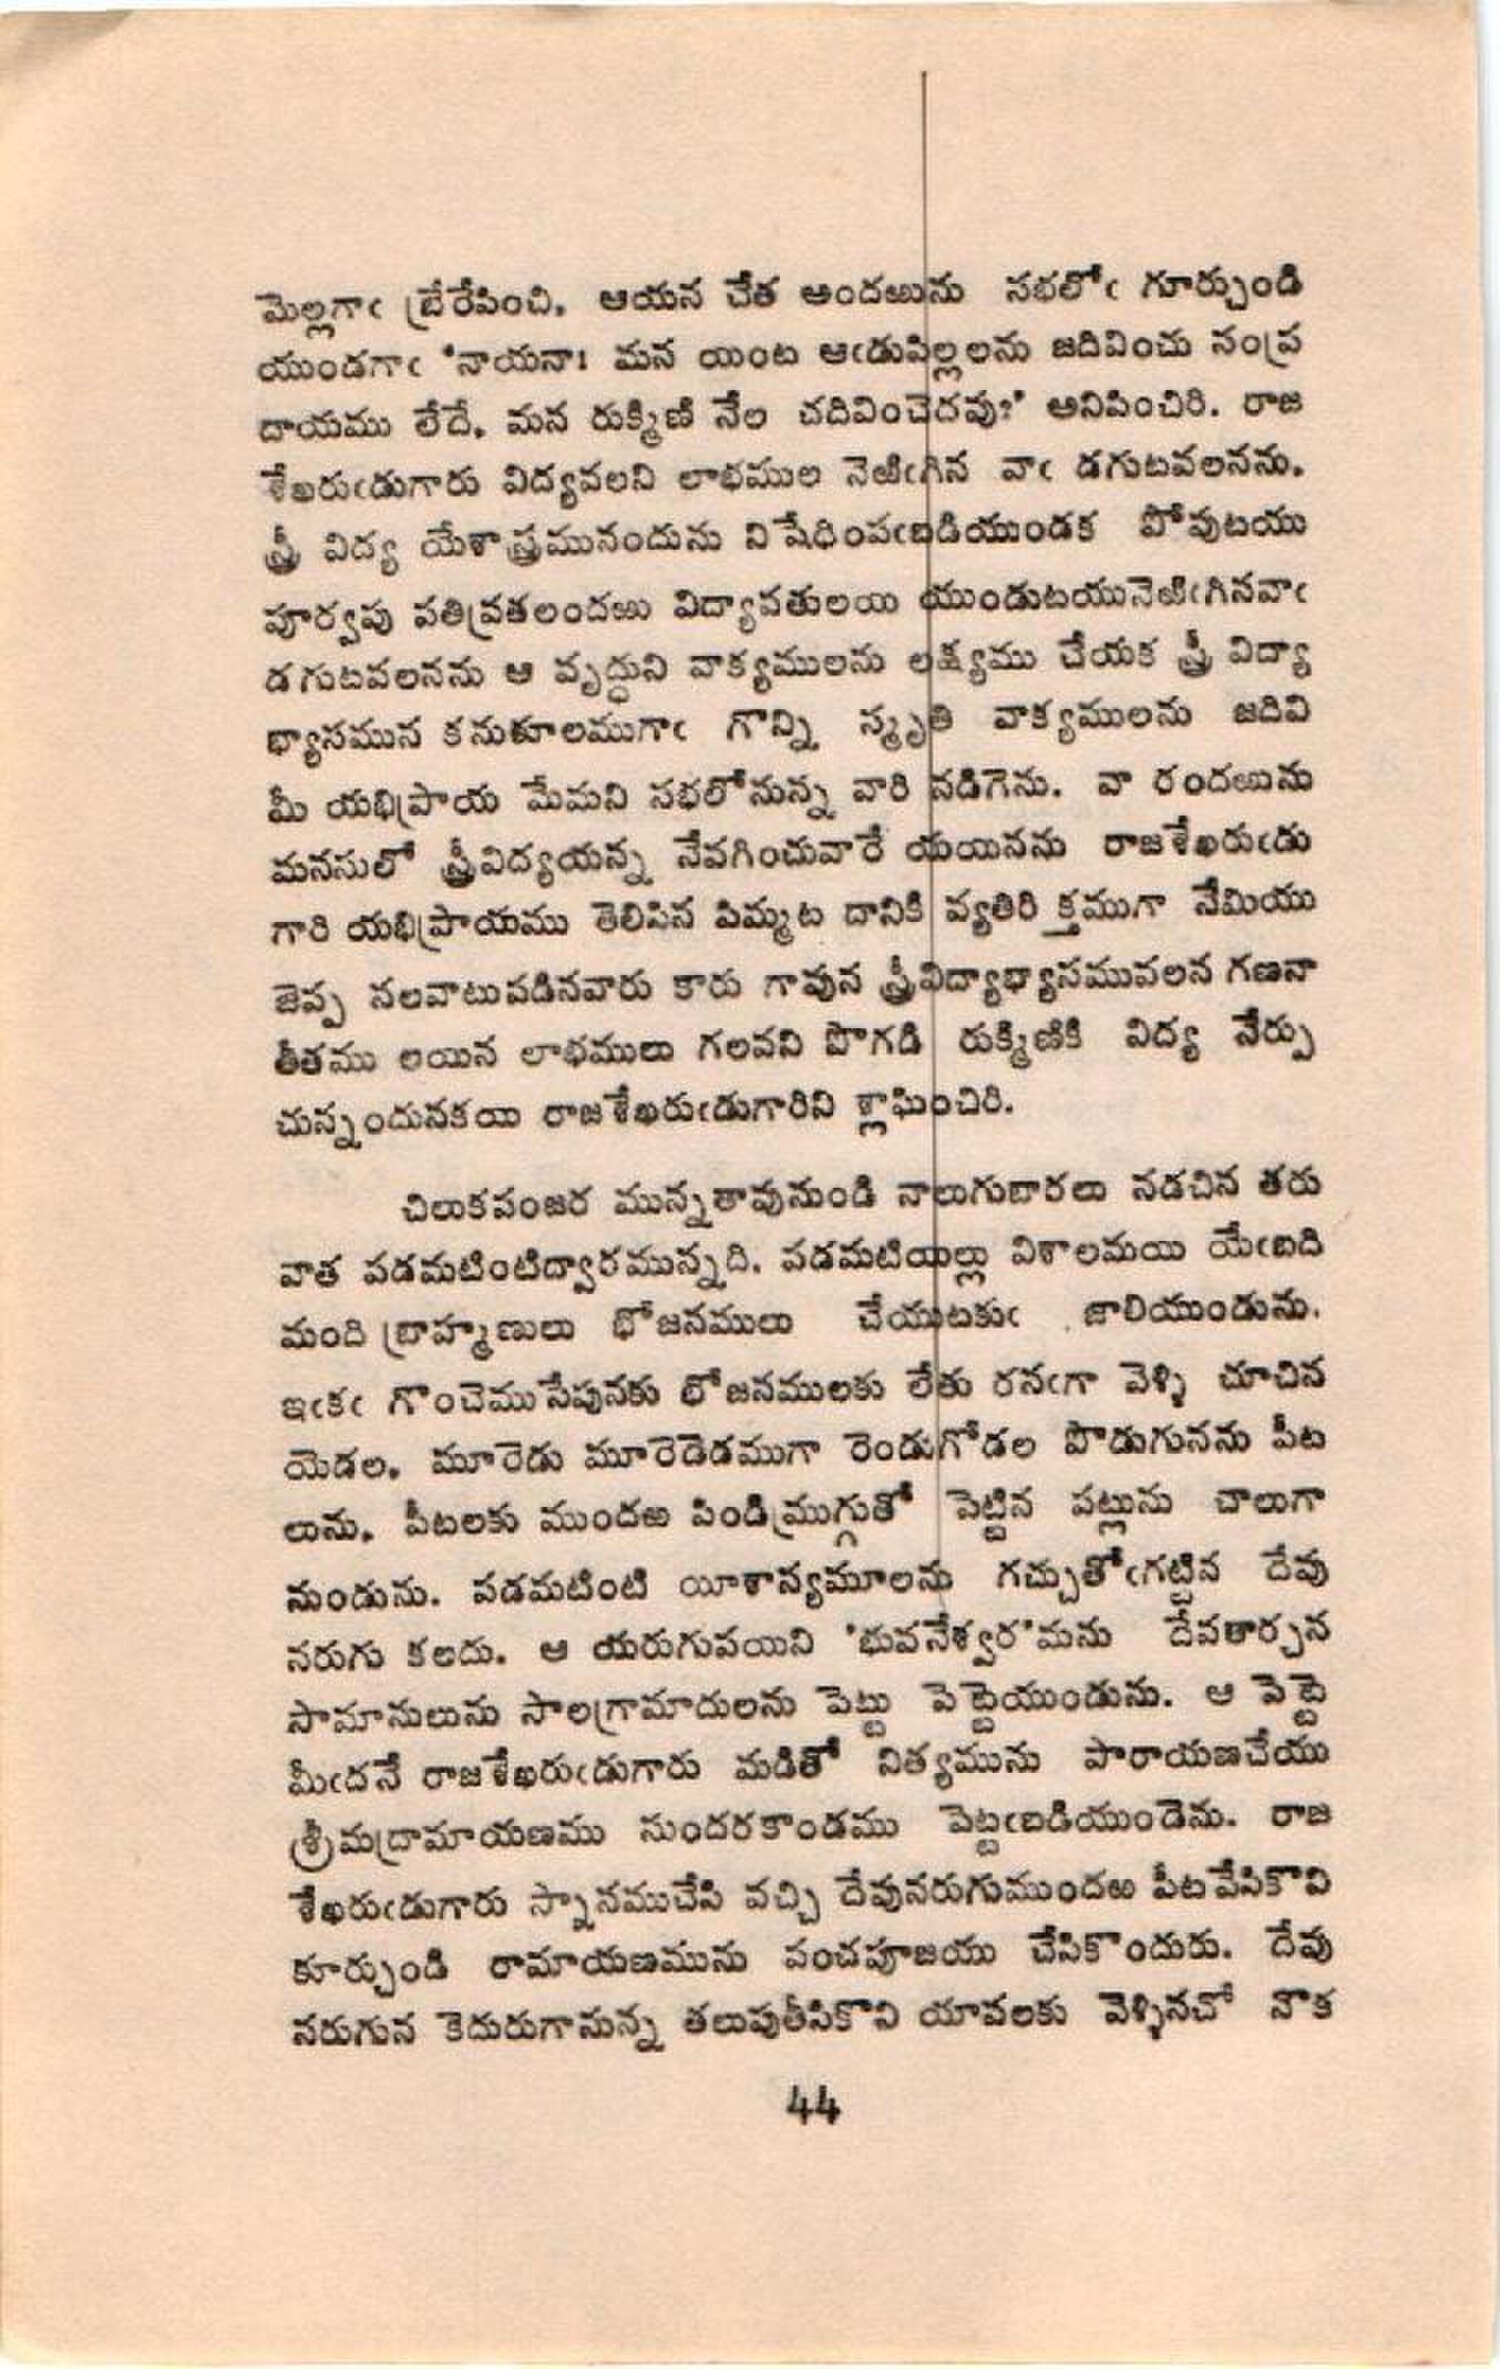మెల్లగా బ్రేరేపించి, ఆయన చేత ఆందఱును సభలో గూర్చండి యుండగా "నాయనా! మన యింట ఆఁడుపిల్లలను జదివించు నంప్ర దాయము లేదే, మన రుక్మిణి నేల చదివించెదవు?' శేఖరుఁడుగారు విద్యవలని లాభముల నెఱిగిన వాఁ డగుటవలనను, స్త్రీ విద్య యే శాస్త్రమునందును నిషేధింపఁబడియుండక పోవుటయు పూర్వపు పతివ్రతలందఱు విద్యావతులయి మండుటయునెఱిగినవాఁ డగుటవలనను ఆ వృద్ధుని వాక్యములను లక్ష్యము చేయక స్త్రీ విద్యా భ్యాసమున కనుకూలముగాఁ గొన్ని స్మృతి వాక్యములను జదివి మీ యభిప్రాయ మేమని సభలోనున్న వారి నడిగెను. వారందఱును మనసులో స్త్రీవిద్యయన్న నేవగించువారే యయినను రాజశేఖరుఁడు గారి యభిప్రాయము తెలిసిన పిమ్మట దానికి వ్యతిరి క్తముగా నేమియు జెప్ప నలవాటుపడినవారు కారు గావున స్త్రీవిద్యాభ్యాసమువలన గణనా తీతము లయిన లాభములు గలవని పొగడి రుక్మిణికి విద్య నేర్పు చున్నందునకయో రాజశేఖరుడుగారిని శ్లాఘించిరి.

చిలుక పంజర మున్నతావునుండి నాలుగుబారలు నడచిన తరు వాత పడమటింటిద్వారమున్నది. పడమటియల్ల విశాలమయి యేఁబది మంది బ్రాహ్మణులు భోజనములు చేయుటకుఁ జాలియుండును. ఇక గొంచెముసేపునకు భోజనములకు లేత రనఁగా వెళ్ళి చూచిన యెడల, మూరెడు మూరెడెడముగా రెండుగోడల పొడుగునను పీట లను, పీటలకు ముందఱ పిండి మ్రుగ్గుతో పెట్టిన పట్లును చాలుగా నుండును. పడమటింటి యీశాన్యమూలన గచ్చుతోఁగట్టిన దేవు నరుగు కలదు. ఆ యరుగుపయిని "భువనేశ్వర"మను దేవతార్చన సామానులను సాలగ్రామాదులను పెట్టు పెట్టె 
యుండును. ఆ పెట్టె మీఁదనే రాజశేఖరుడుగారు మడితో నిత్యమును పారాయణచేయు శ్రీమద్రామాయణము సుందరకాండను పెట్టఁబడియుండెను. రాజశేఖరుఁడుగారు స్నానముచేసి వచ్చి దేవునరుగుమందఱ పీటవేసికొని కూర్చుండి రామాయణమును పంచపూజయు చేసికొందురు. దేవు నరుగున కెదురుగానున్న తలుపుతీసికొని యావలకు వెళ్ళినచో నొక